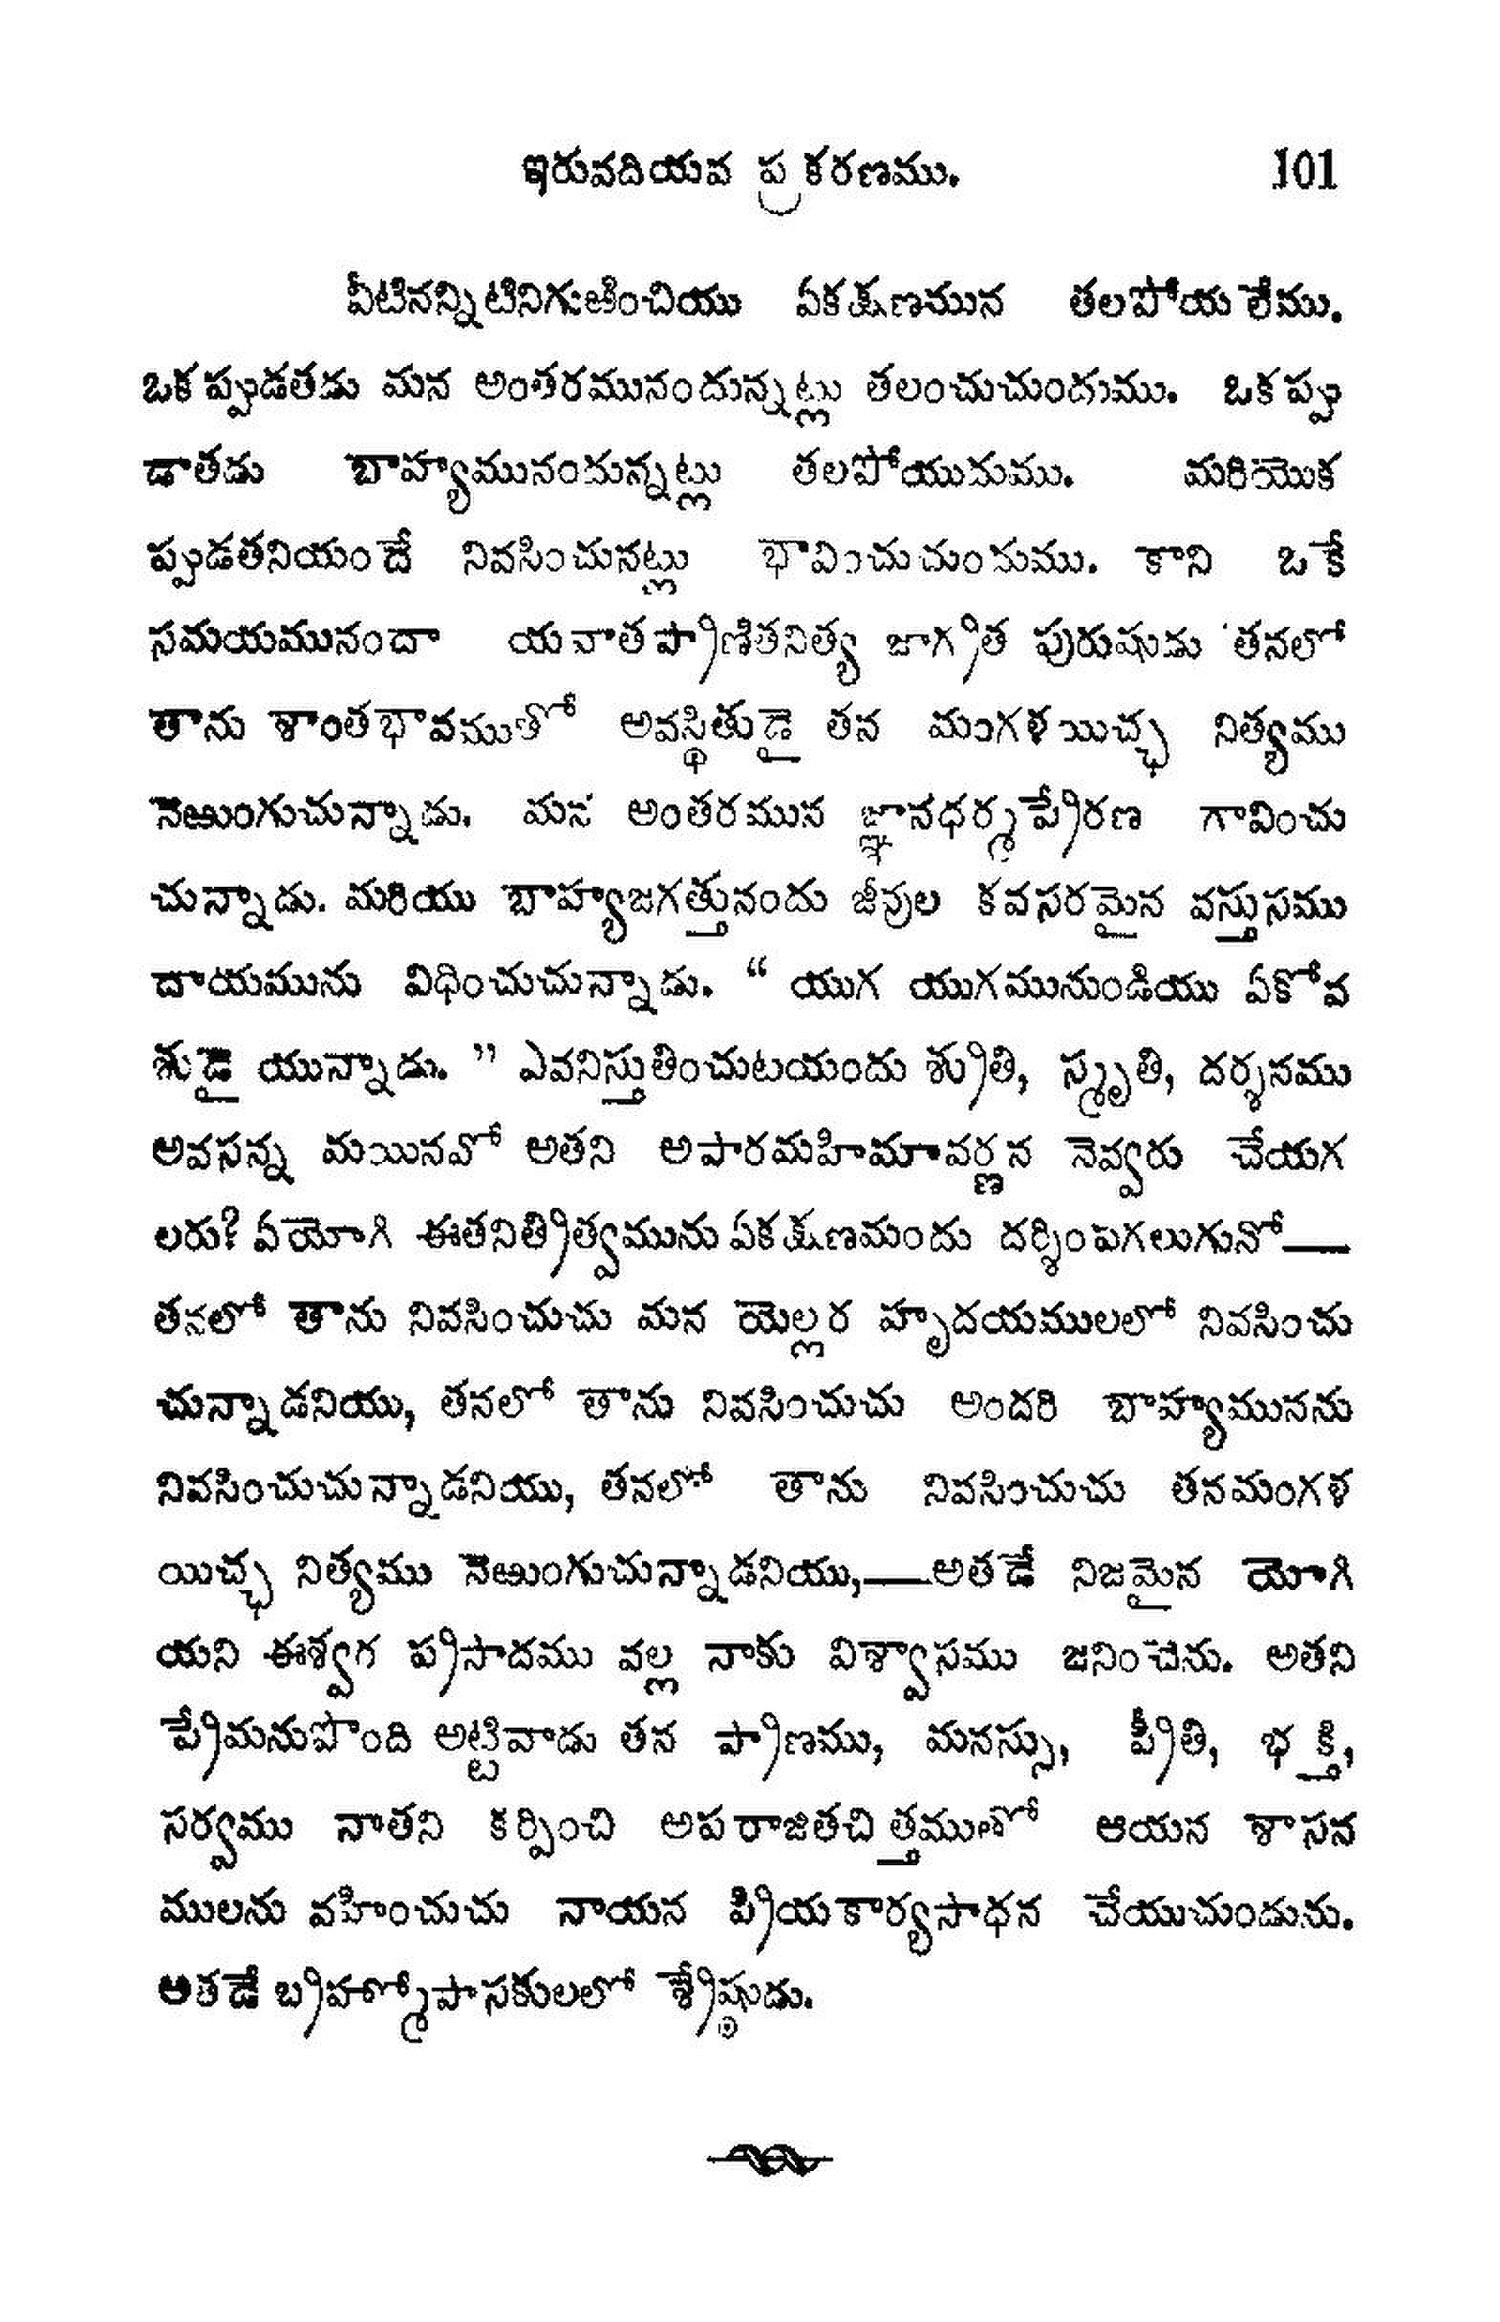వీటినన్నిటిని గణించియు ఏకక్షణమున తలపోయ లేము.
ఒకప్పుడతడు మన అంతరమునందున్నట్లు తలంచు చుందుము. 
ఒకప్పుడాతడు బాహ్యమునందున్నట్లు తలపోయుదుము.
మరియొకప్పుడతని యందే నివసించునట్లు భావించు చుందుము.
కాని ఒకే సమయమునందా యవాత ప్రాణిక నిత్య జాగ్రత పురుషుడు 
తనలోతాను శాంత భావముతో అవస్థితుడై తన ముగళ యిచ్ఛ 
నిత్యము నెఱుంగుచున్నాడు. మన అంతరమున జ్ఞానధర్మ 
ప్రేరణ గావించు చున్నాడు. మరియు బాహ్యజగత్తునందు జీవుల 
కవసరమైన వస్తు సముదాయమును విధించుచున్నాడు. యుగ 
యుగము నుండియు ఏకోవశుడై యున్నాడు. " ఎవనిస్తుతించుట
యందు శతి, స్మృతి, దర్శనముఅవసన్న మయినవో అతని 
అపారమహిమావర్ణన నెవ్వరు చేయగలరు? ఏయోగి ఈతని
తత్వమును ఏక్షణమందు దర్శింపగలుగునో-తనలో తాను 
నివసించుచు మన 'యెల్లర హృదయములలో నివసించు
చున్నాడనియు, తనలో తాను నివసించుచు అందరి బాహ్యమునను
నివసించుచున్నాడనియు, తనలో తాను నివసించుచు తనమంగళ
యిచ్ఛ నిత్యము నెఱుంగుచున్నాడనియు, — అతడే నిజమైన యోగి
యని ఈశ్వర ప్రసాదము వల్లనాకు విశ్వాసము జనించెను. అతని
ప్రేమను పొంది అట్టివాడు తన ప్రాణము, మనస్సు, ప్రీతి, భక్తి,
సర్వము నాతని కర్పించి అపరాజిత చిత్తములో ఆయన శాసనములను 
వహించుచు నాయన ప్రియ కార్యసాధన చేయుచుండును.
ఆకడే బ్రహ్మోపాసకులలో శ్రేష్ఠుడు.